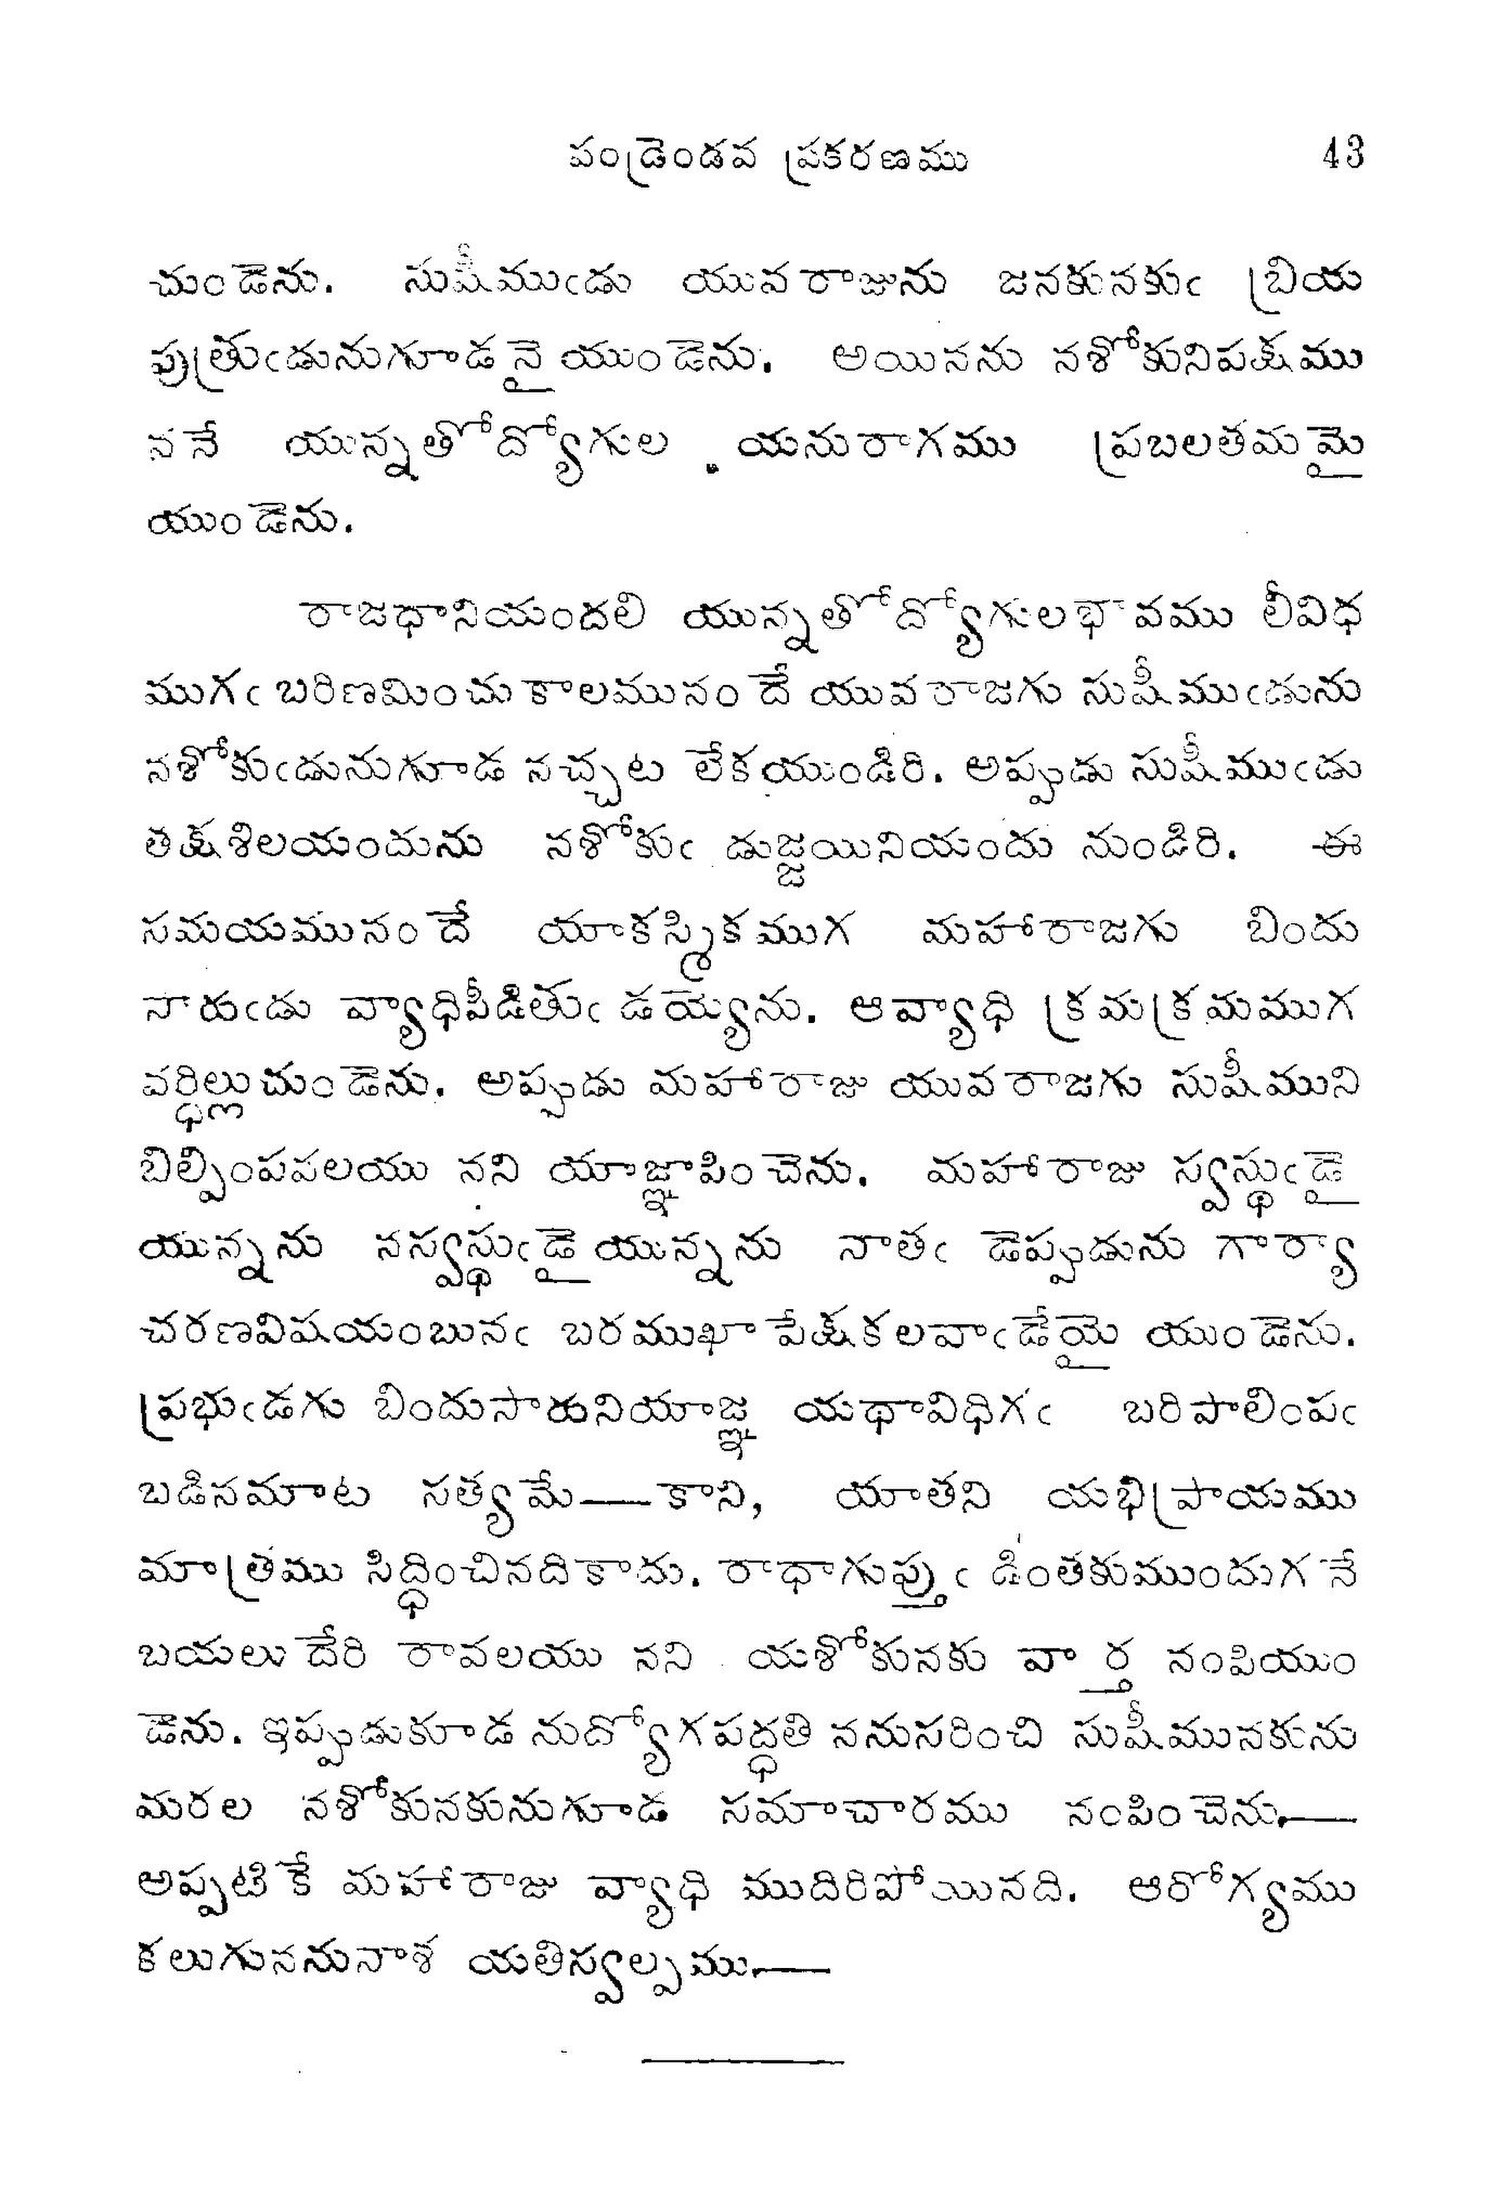చుండెను. సుషీముఁడు యువ రాజును జనకునకుఁ బ్రియపుత్రుఁడునుగూడ నై యుండెను. అయినను నశోకునిపక్షము ననే యున్నతోద్యోగుల యనురాగము ప్రబలతమమై యుండెను.

రాజధానియందలి యున్నతోద్యోగుల భావము లీవిధముగఁ బరిణమించు కాలమునందే యువరాజగు సుషీముఁడును నశోకుఁడునుగూడ నచ్చట లేకయుండిరి. అప్పుడు సుషీముఁడు తక్షశిలయందును నశోకుఁ డుజ్జయినియందు నుండిరి. ఈ సమయము నందే యాకస్మికముగ మహారాజగు బిందుసారుఁడు వ్యాధిపీడితుఁ డయ్యెను. ఆ వ్యాధి క్రమక్రమముగ వర్దిల్లు చుండెను. అప్పుడు మహారాజు యువ రాజగు సుషీముని బిల్పింపవలయు నని యాజ్ఞాపించెను. మహారాజు స్వస్థుఁడైయున్నను నస్వస్థుఁడై యున్నను నాతఁ డెప్పుడును గార్యాచరణవిషయంబునఁ బర ముఖా పేక్ష కలవాఁడే యై యుండెను. ప్రభుఁడగు బిందుసారుని యాజ్ఞ యధావిధిగఁ బరిపాలింపఁ బడినమాట సత్యమే— కాని, యాతని యభిప్రాయము మాత్రము సిద్ధించినది కాదు. రాధాగుప్తు ఁ డింతకుముందుగ నే బయలు దేరి రావలయు నని యశోకునకు వార్త నంపియుండెను. ఇప్పుడుకూడ నుద్యోగ పద్ధతి ననుసరించి సుషీమునకును మరల నశోకునకునుగూడ సమాచారము నంపించెను—— అప్పటికే మహారాజు వ్యాధి ముదిరిపోయినది. ఆరోగ్యము కలుగుననునాశ యతిస్వల్పము——